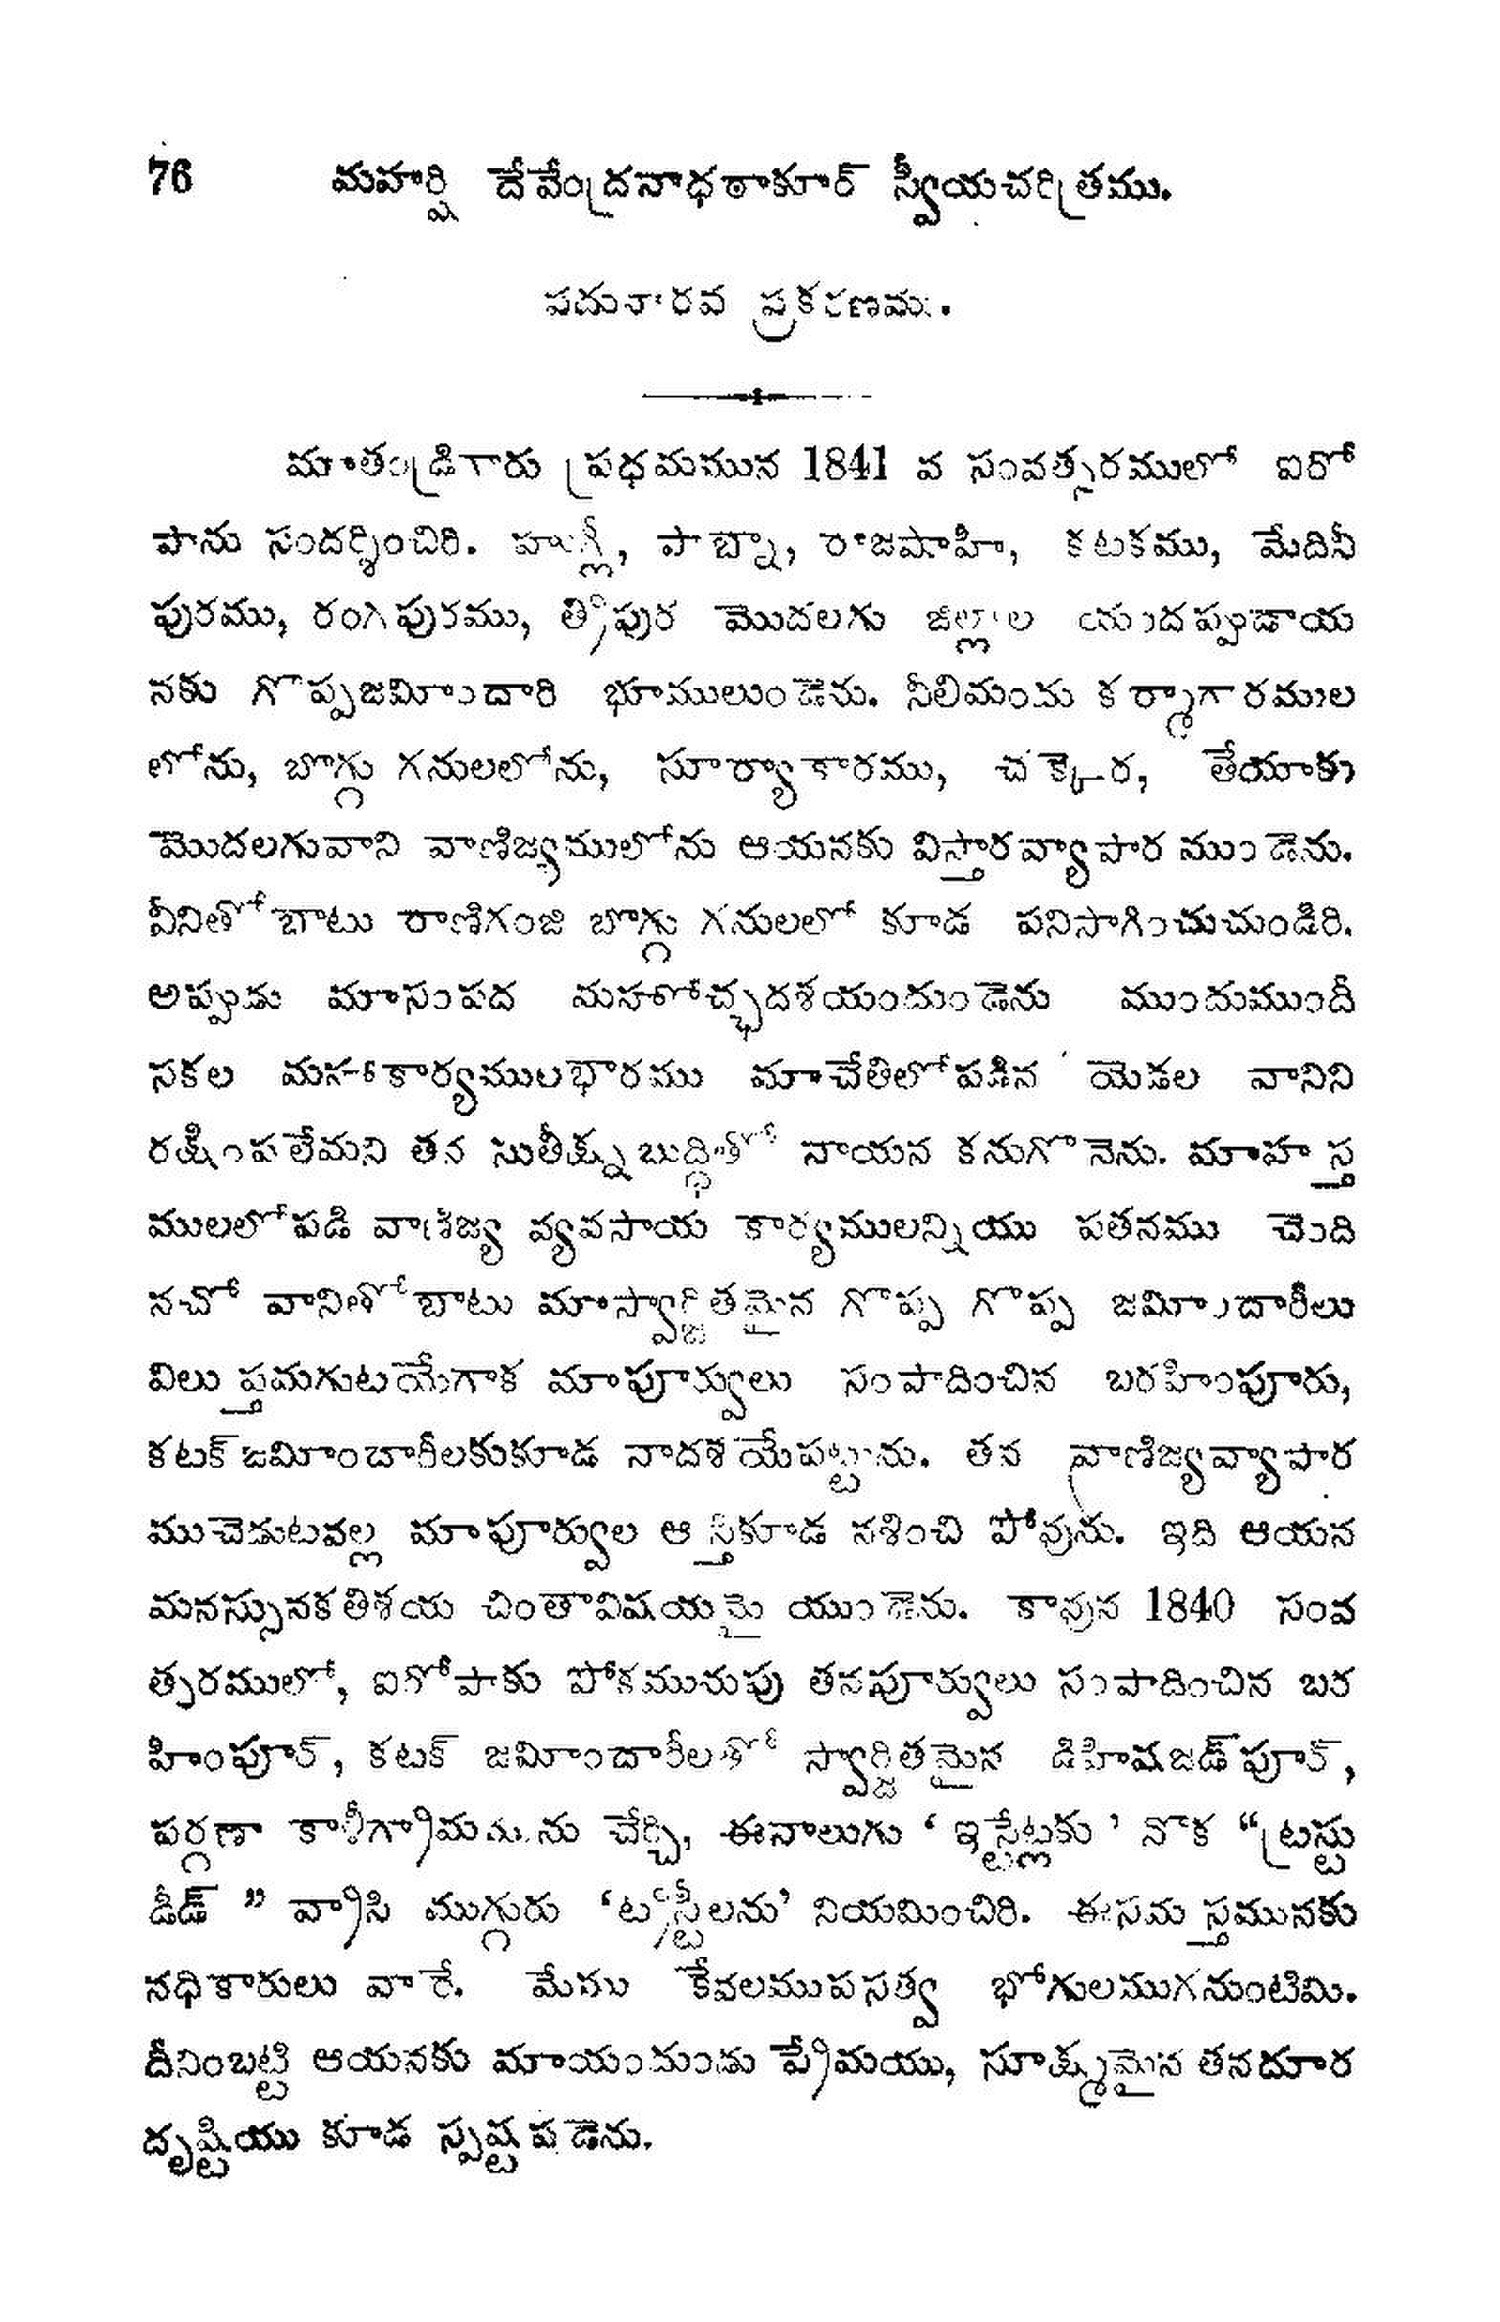మతండ్రిగారు ప్రధమమున 1841 వ సంవత్సరములో ఐరోపొను 
సందర్శించిరి. హుగ్లీ, పాబ్నా, రాజుషాహి, కటకము, మేదినీ
పురము, రంగ పురము, త్రిపుర మొదలగు జిల్లాల యందప్పుడాయనకు 
గొప్పజమీందారి భూములుండెను. నీలిమంచు కర్మాగారము
లోను, బొగ్గు గనులలోను, సూర్యాకారము, చక్కెర, తేయాకు
వాణిజ్యములోను ఆయనకు విస్తార వ్యాపార ముండెను.వీనితో బాటు 
రాణిగంజి బొగ్గు గనులలో కూడ పనిసాగించుచుండిరి.అప్పుడు మాసంపద 
ఉచ్ఛదశ యందుండెనుసకల మహాకార్యముల భారము మా చేతిలో పడిన 
యెడల వానినిరక్షింప లేమని తన సుతీక్ష్న బుద్ధితో నాయన కనుగొనెను. మాహస్తములలో పడి వాజ్య వ్యవసాయ కార్యములన్నియు పతనము చెందినచో 
వానితో బాటు మాస్వార్జితమైన గొప్ప గొప్ప జమీందారీలు విలుప్తముగుటయే గాక 
మా పూర్వులు సంపాదించిన బరహింపూరు,కటక్ జమీందారీలకు 
కూడ నాదశ యేపట్టను. తన వాణిజ్య వ్యాపారము చెడుటవల్ల మా పూర్వుల 
ఆస్తి కూడ నశించి పోవును. ఇది ఆయనమనస్సున కతిశయచింతా విషయమై 
యుండెను. కావున 1840 సంవతృరములో, ఐరోపాకు పోకమునుపు తన పూర్వులు సంపాదించిన బరహీంపూర్ , కటక్ జమీందారీలతో - స్వార్జితమైన డిహిష జడ్ పూర్ ,
పర్గణా కాశీ గ్రామములను చేర్చి, ఈ నాలుగు " ఇస్లేట్లకు ' నొక " ట్రస్టుడీడ్ " వ్రాసి ముగ్గురు 'టస్టీలను' నియమించిరి. ఈ సమస్తమునకుసధికారులు వారే. మేము కేవలముప సత్వ భోగులముగ నుంటిమి.దీనింబట్టి ఆయనకు మాయందుండు ప్రేమయు, సూక్ష్మమైన తనదూరదృష్టియు కూడ స్పష్ట పడెను,